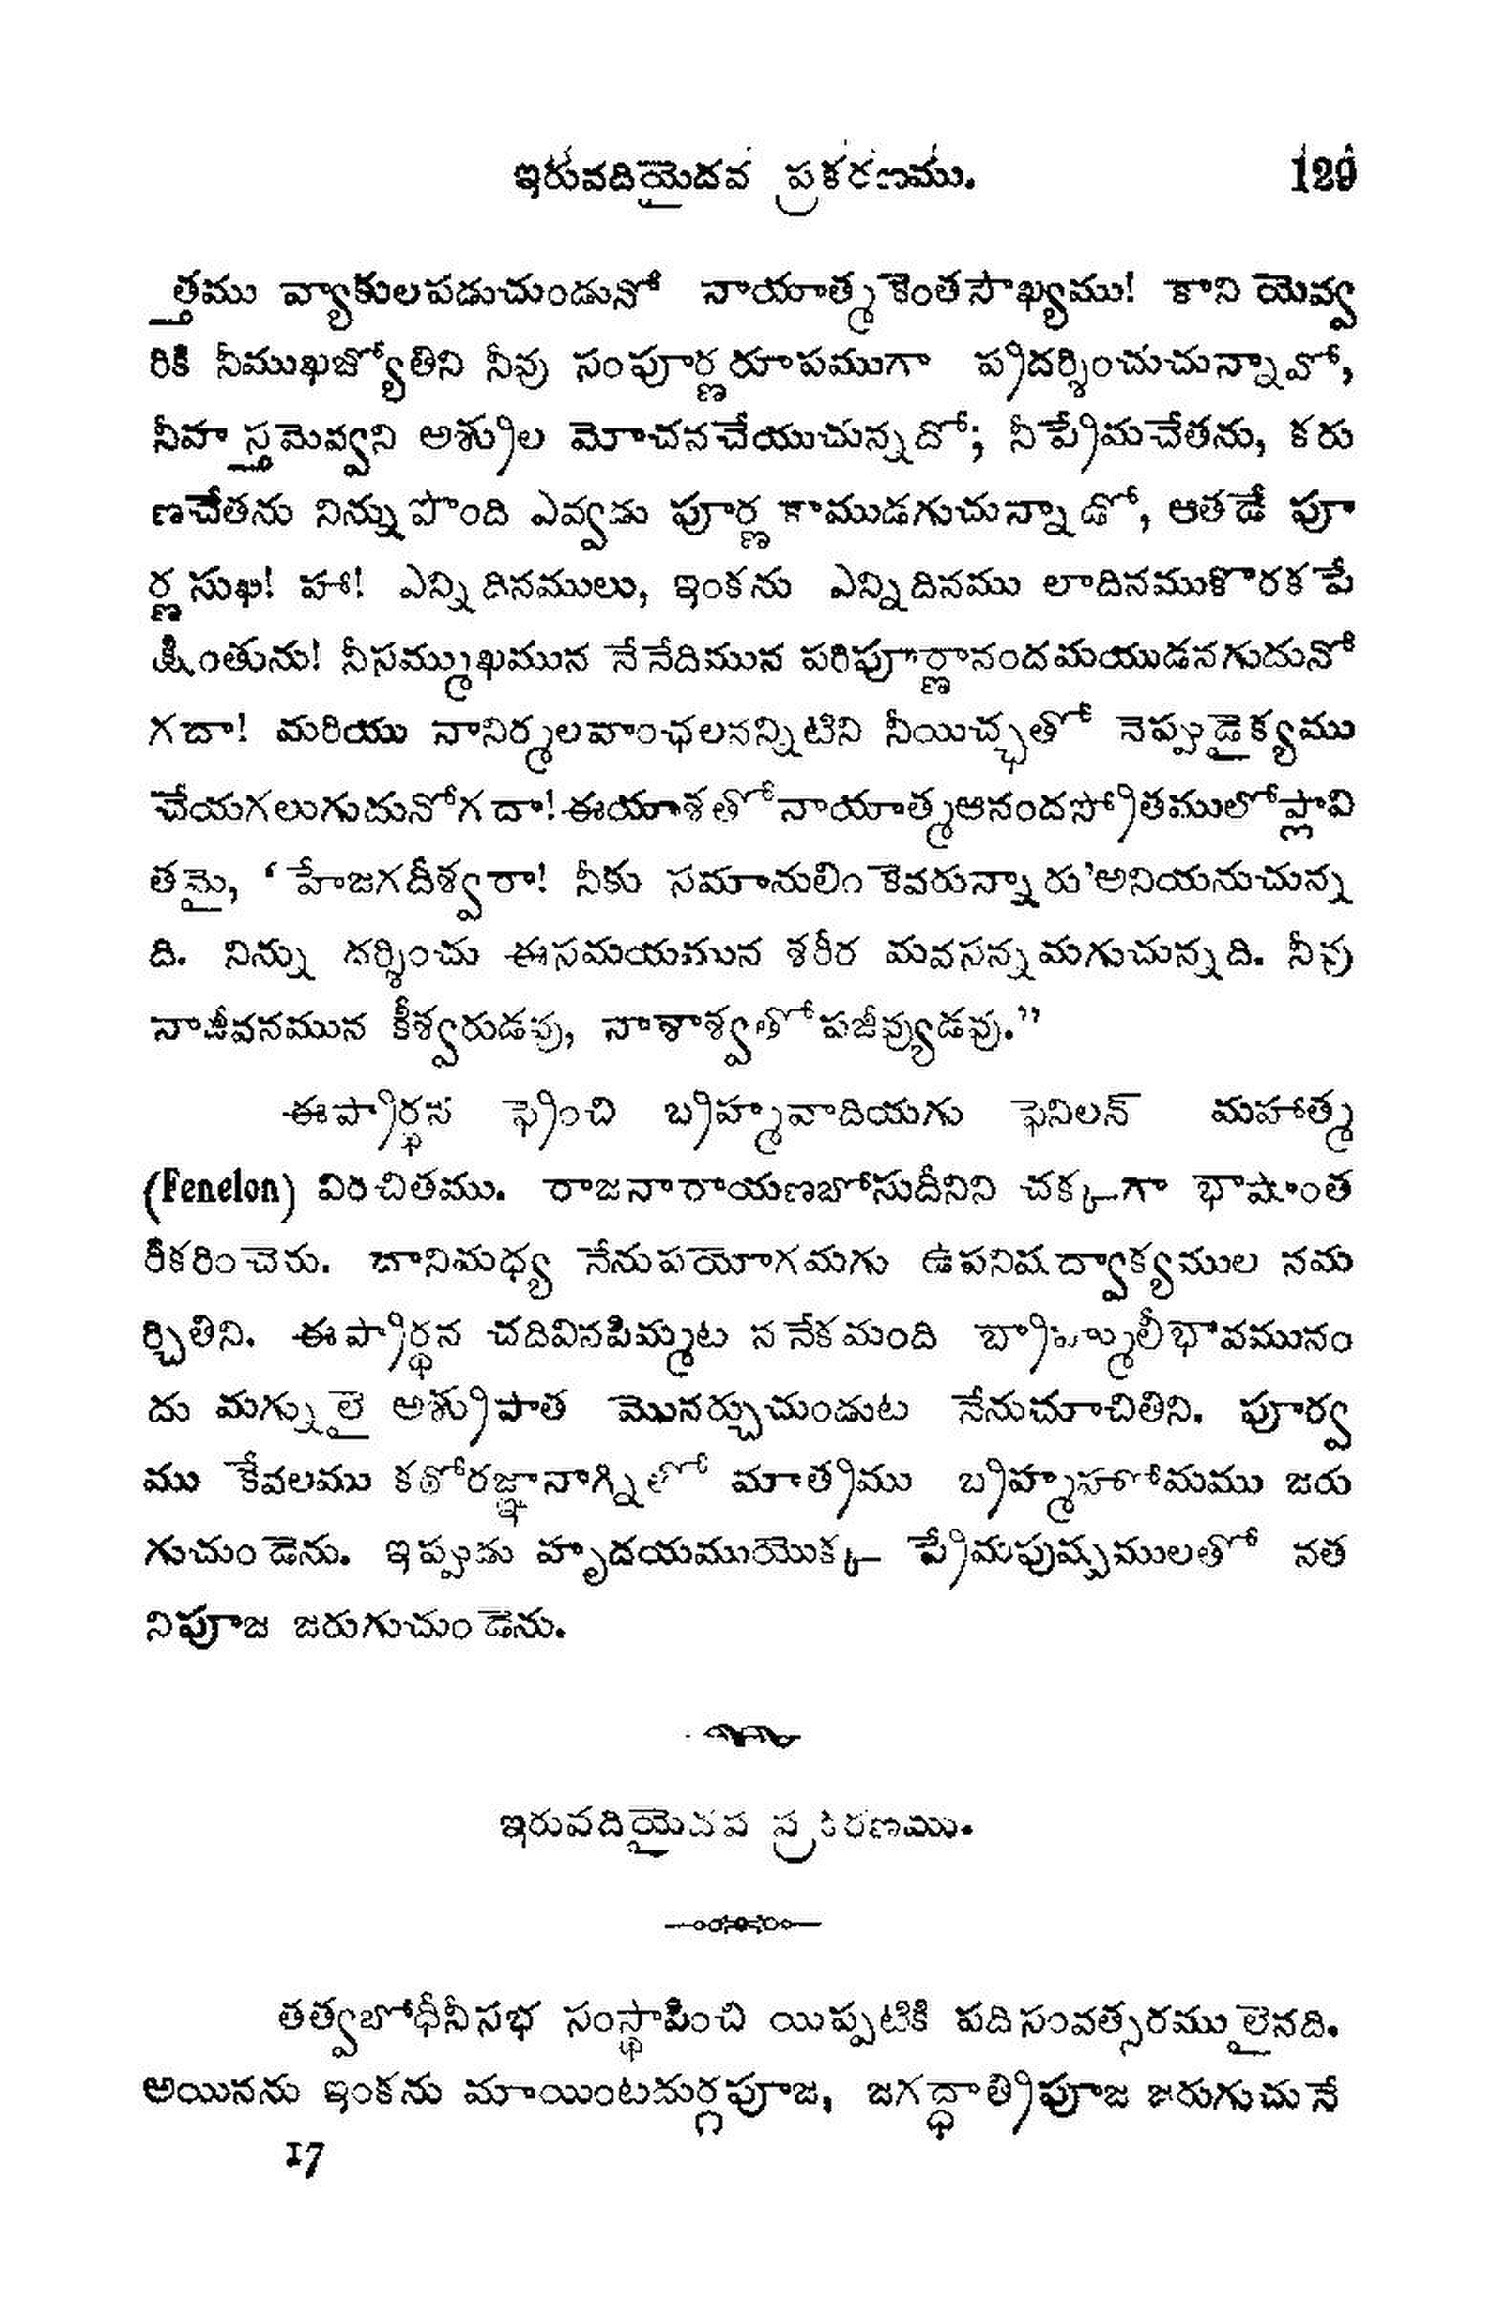,

త్తము వ్యాకుల పడుచుండునో నాయాత్మ కెంత సౌఖ్యము! కాని 
యెవ్వరికి నీముఖ జ్యోతిని నీవు సంపూర్ణ రూపముగా ప్రదర్శించు చున్నావో,
హస్తమెవ్వని అశ్రుల మోచనచేయుచున్నదో, నీ ప్రేమచేతను, కరుణ
చేతను నిన్ను పొంది ఎవ్వడు పూర్ణ కౌముడగుచున్నాడో, ఆతడే పూర్ణ సుఖ! 
హా! ఎన్ని దినములు, ఇంకను ఎన్ని దినము లాదినముకొర-ఏపే
క్షింతును! నీసమ్ముఖమున నేనేదిమున పరిపూర్ణానందమయుడ
నగుదునో గదా! మరియు నానిర్మల వాంఛలనన్నిటిని నీయిచ్ఛతో 
నెప్పుడైక్యము చేయగలుగుచునో గ దా! ఈయాశతో నాయాత్మఆనంద 
స్రోతములో ఫ్లావితమై, “ హేజగదీశ్వరా! నీకు సమానులిం కేవరున్నారు'
అనియను చున్నది. నిన్ను దర్శించు ఈ సమయమున శరీర మవసన్న
మగుచున్నది. నీవునా జీవనమున కీశ్వరుడవు, నాశాశ్వతో పజీవ్యుడవు. ”

ఈ పార్థన ఫ్రెంచి బాహ్మవాదియఎయగు ఫెనిలన్ మహాత్మ (Eenelon) విరిచితము. రాజనారోయణబోసు దీనిని చక్కగా భాషాంతరీకరించెను. దానిమధ్య నేనుప యోగమగు ఉపనిషద్వాక్యముల నమర్చితిని. ఈ ప్రార్థన చదివిన పిమ్మట ననేక మంది బ్రహ్ములీ
భావమునందు మగ్నులై అశ్రుపాత మొనర్చుచుండుట నేను చూచితిని. పూర్వము కేవలము కఠోరజ్ఞానాగ్నిలో మాత్రము బ్రహ్హోమము జరుగు చుండెను. ఇప్పుడు హృదయము యొక్క ప్రేమ పుష్పములతో నతనిపూజ జరుగుచుండెను.

తత్వబోధినీ సభ సంస్థాపించి యిప్పటికి పది సంవత్సరములైనది.
అయినను ఇంకను మాయింటవుర్గ పూజ, జగద్ధాతి పూజ జరుగుచు నే